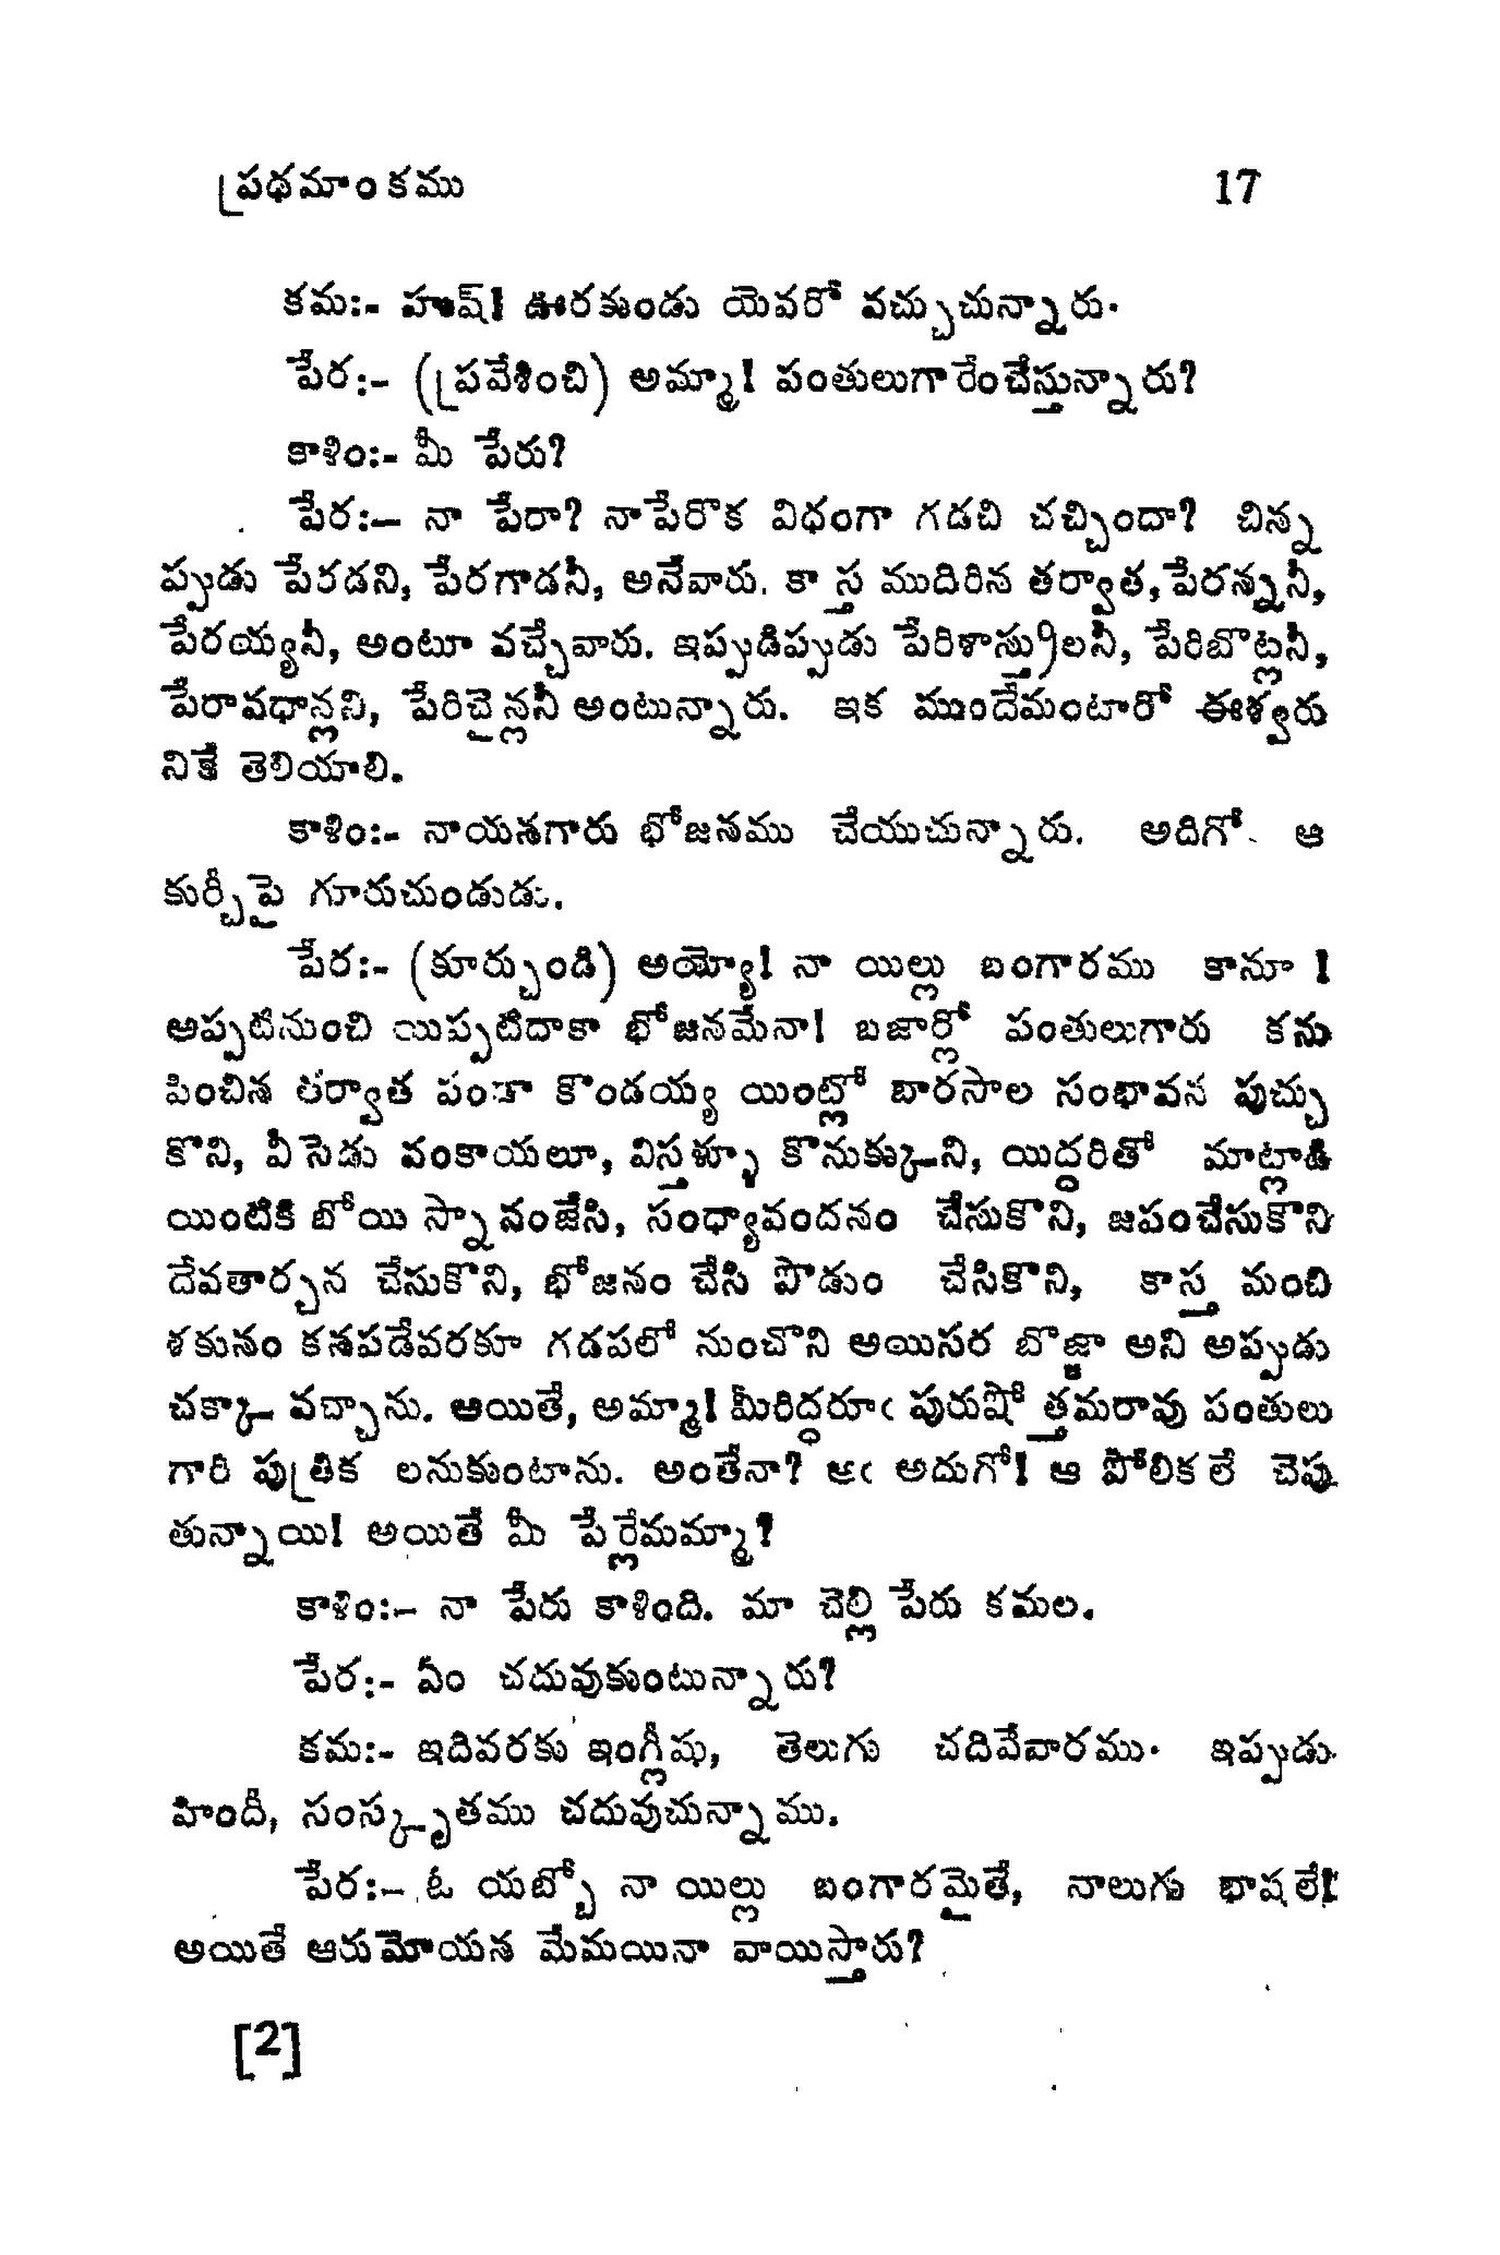కమ:- హుష్‌! ఊరకుండు యెవరో వచ్చుచున్నారు.

పేర:- (ప్రవేశించి) అమ్మా! పంతులుగారేంచేస్తున్నారు?

కాళిం:- మీ పేరు?

పేర:- నా పేరా? నాపేరొక విధంగా గడచి చచ్చిందా? చిన్నప్పుడు పేరడని, పేరగాడనీ అనేవారు. కాస్త ముదిరిన తర్వాత, పేరన్ననీ, పేరయ్యనీ అంటూ వచ్చేవారు. ఇప్పుడిప్పుడు పేరిశాస్త్రుర్లనీ, పేరిభొట్లనీ, పేరావధాన్లని, పేరిచైన్లనీ అంటున్నారు. ఇకముందేమంటారో ఈశ్వరునికే తెలియాలి.

కాళిం:- నాయనగారు భోజనము చేయుచున్నారు. అదిగో ఆకుర్చీపై గూరుచుండుడు.

పేర:- (కూర్చుండి) అయ్యో! నా యిల్లు బంగారము కానూ! అప్పటినుంచి యిప్పటిదాకా భోజనమేనా! బజార్లో పంతులుగారికి కనుపించిన తర్వాత, పండా కొండయ్య యింట్లో బారసాల సంభావన పుచ్చుకొని, వీసెడు వంకాయలూ, విస్తళ్ళూ కొనుక్కుని, యిద్దరితో మాట్లాడి యింటికి బోయి, స్నానంజేసి, సంధ్యావందనం చేసుకొని, జపంచేసుకొని, దేవతార్చన చేసుకొని, భోజనం చేసి, పొడుం చేసికొని, కాస్త మంచి శకునం కనపడేవరకూ గడపలో నుంచొని, అయిసర బొజ్జా అని అప్పుడు చక్కా వచ్చాను. అయితే, అమ్మా! మీరిద్దరూఁ పురుషోత్తమరావు పంతులుగారి పుత్రిక లనుకుంటాను, అంతేనా? ఆఁ! అదిగో! ఆ పోలికలే చెపుతున్నాయి! అయితే, మీ పేర్లేమమ్మా!

కాళిం:- నా పేరు కాళింది, మా చెల్లి పేరు కమల.

పేర:- ఏం చదువుకుంటున్నారు?

కమ:- ఇదివరకు ఇంగ్లీషు, తెలుగు చదివేవారము. ఇప్పుడు హిందీ, సంస్కృతము చదువుచున్నాము.

పేర:- ఓ యబ్బో! నా యిల్లు బంగారమైతే, నాలుగు భాషలే! అయితే ఆరుమోయన మేమయినా వాయిస్తారు?